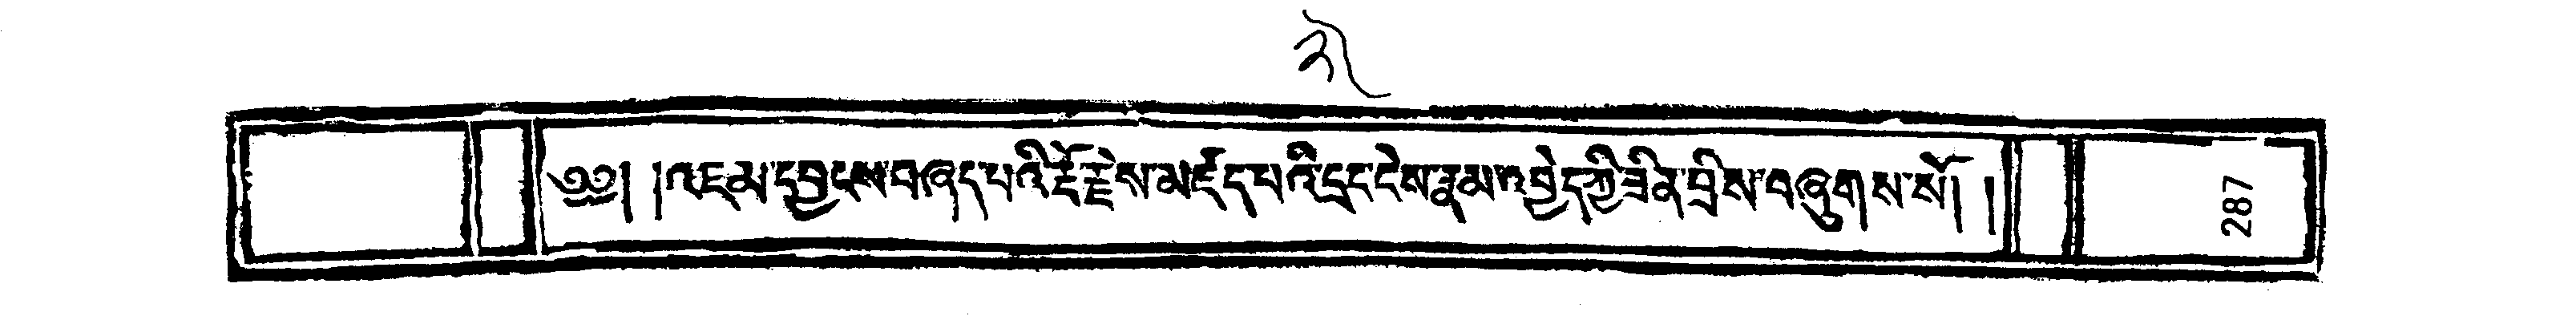༢?
༄༅། །འཇམ་དབྱངས་བཞད་པའི་རྡོ་རྗེས་མཛད་པའི་དྲང་ངེས་རྣམ་འབྱེད་ཀྱི་ཟིན་བྲིས་བཞུགས་སོ། །